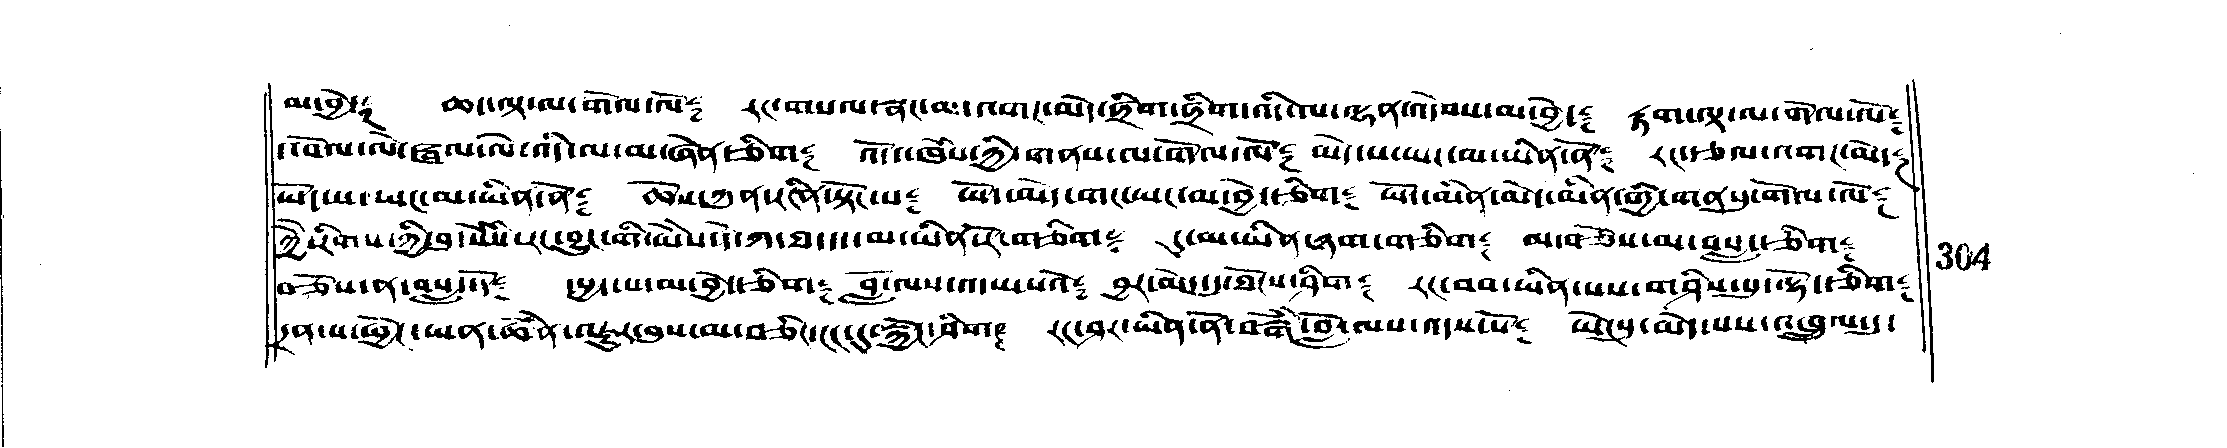མ་བྱེད། ཆད་ལྟ་ལ་གོལ་ལོ། རང་གསལ་སྣང་བ་འགགས་མེད་ཧྲིག་ཧྲིག་འདི་ལ་ལྷན་འདེབས་མ་བྱེད། རྟག་ལྟ་ལ་གོལ་ལོ། 
འབོལ་ལེ་ཝལ་ལེ་འདི་ལ་མ་ཞེན་ཅིག འདོད་ཁམས་ཀྱི་གནས་ལ་གོལ་ལོ། མེད་པ་ཡང་མ་ཡིན་ནོ། རང་རྩལ་འགགས་མེད། 
ཡོད་པ་ཡང་མ་ཡིན་ནོ། ཆོས་ཀུན་རང་བཞིན་སྟོང་པ། ཡོད་མེད་གང་ཡང་མ་བྱེད་ཅིག ཡོད་མིན་མེད་མིན་གྱི་གནས་སུ་གོལ་ལོ། 
ཀྱཻ་རིགས་ཀྱི་བུ་སེམས་རང་བྱུང་གི་ཡེ་ཤེས་དེ་ཀ་ཐ་དད་མ་ཡིན་རོ་གཅིག དུ་མ་ཡིན་ཉག་གཅིག མ་བཅོས་མ་བསླད་ཅིག 
བཅོས་ན་བསླད་དོ། དཔྱད་པ་མ་བྱེད་ཅིག བློ་ལས་འདས་པའོ། བྱར་མེད་དུ་ཐོངས་ཤིག རང་བབ་ཡིན་པས་གཤིས་སུ་ལྷོད་ཅིག 
དྲན་པ་ཕྱོགས་ཡན་ཆེན་པོ་འཇུར་བུས་མ་བཅིང་ངང་དུ་སྐྱོངས་ཤིག རང་ཤར་ཡིན་ནོ་བསྒོམ་བློ་ལས་འདས་སོ། ཡོངས་སུ་མེད་པས་འཁྲུལ་དུ་